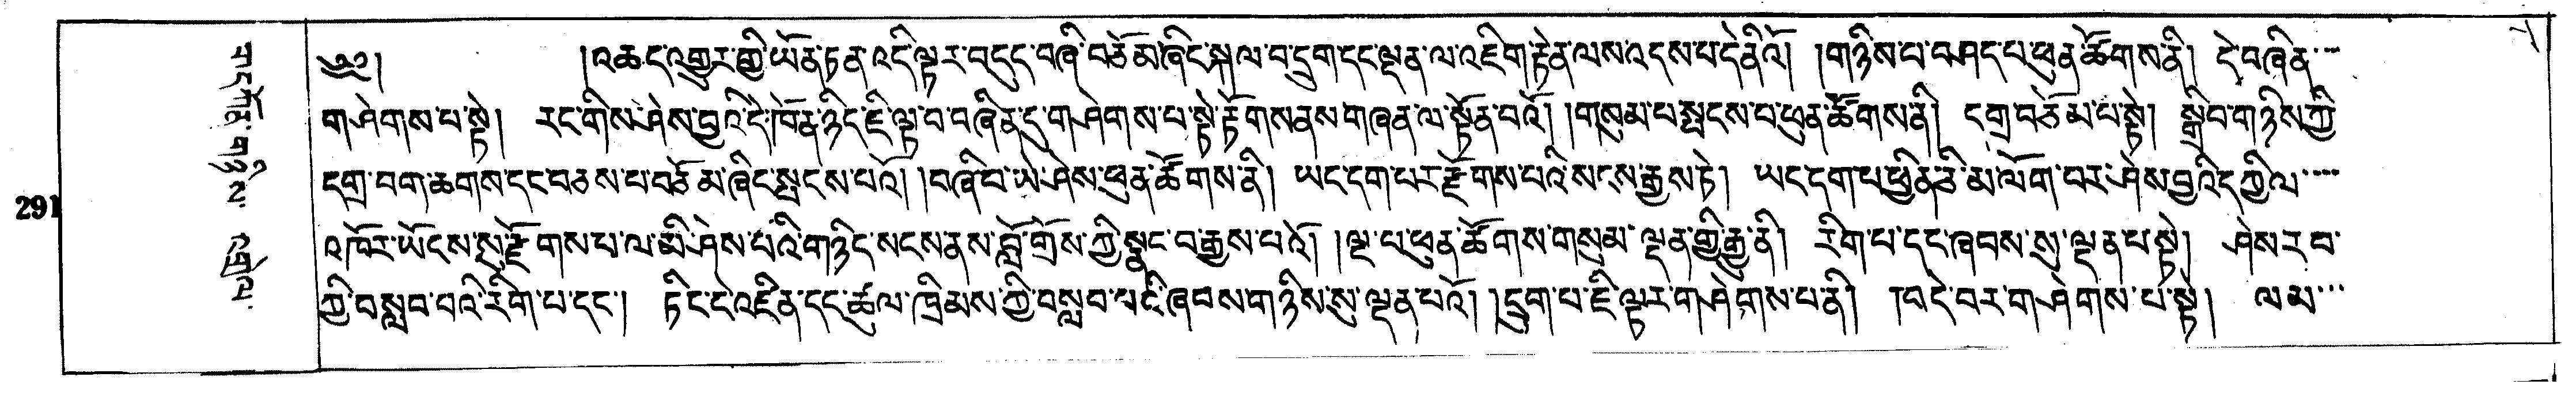༄༅། །འཆད་འགྱུར་གྱི་ཡོན་ཏན་འདི་ལྟར་བདུད་བཞི་བཅོམ་ཞིང་སྐལ་བ་དྲུག་དང་ལྡན་ལ་འཇིག་རྟེན་ལས་འདས་པ་དེ་ནིའོ། །གཉིས་པ་བཤད་པ་ཕུན་ཚོགས་ནི། དེ་བཞིན་
གཤེགས་པ་སྟེ། རང་གིས་ཤེས་བྱའི་དེ་ཁོ་ན་ཉིད་ཇི་ལྟ་བ་བཞིན་དུ་གཤེགས་པ་སྟེ་རྟོགས་ནས་གཞན་ལ་སྟོན་པའོ། །གསུམ་པ་སྤངས་པ་ཕུན་ཚོགས་ནི། དགྲ་བཅོམ་པ་སྟེ། སྒྲིབ་གཉིས་ཀྱི་
དགྲ་བག་ཆགས་དང་བཅས་པ་བཅོམ་ཞིང་སྤངས་པའོ། །བཞི་པ་ཡེ་ཤེས་ཕུན་ཚོགས་ནི། ཡང་དག་པར་རྫོགས་པའི་སངས་རྒྱས་ཏེ། ཡང་དག་པ་ཕྱིན་ཅི་མ་ལོག་པར་ཤེས་བྱའི་དཀྱིལ་
འཁོར་ཡོངས་སུ་རྫོགས་པ་ལ་མི་ཤེས་པའི་གཉིད་སངས་ནས་བློ་གྲོས་ཀྱི་སྣང་བ་རྒྱས་པའོ། །ལྔ་པ་ཕུན་ཚོགས་གསུམ་ལྡན་གྱི་རྒྱུ་ནི། རིག་པ་དང་ཞབས་སུ་ལྡན་པ་སྟེ། ཤེས་རབ་
ཀྱི་བསླབ་པའི་རིག་པ་དང་། ཏིང་ངེ་འཛིན་དང་ཚུལ་ཁྲིམས་ཀྱི་བསླབ་པའི་ཞབས་གཉིས་སུ་ལྡན་པའོ། །དྲུག་པ་ཇི་ལྟར་གཤེགས་པ་ནི། །བདེ་བར་གཤེགས་པ་སྟེ། ལམ་